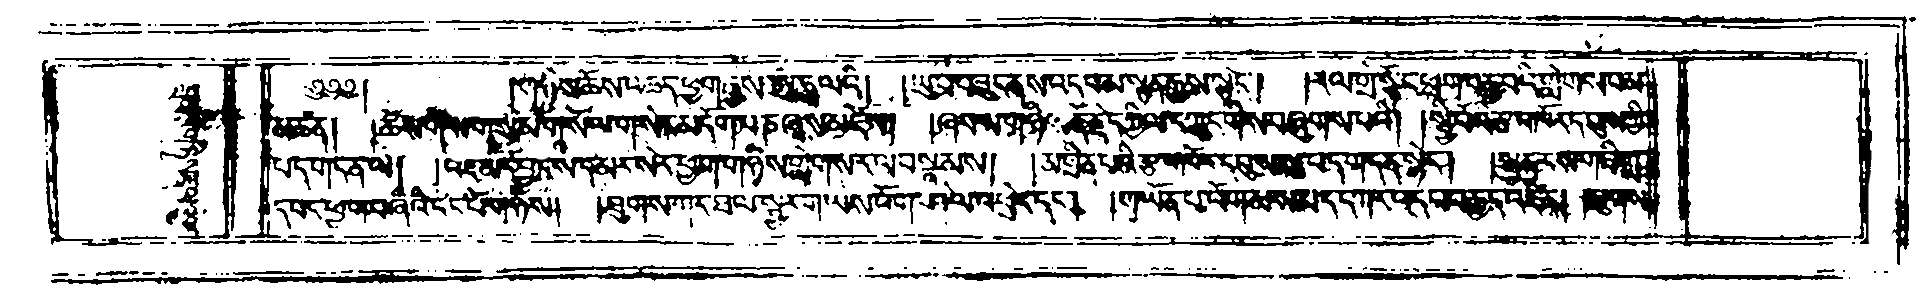༄༅༅། །གཉིས་ཆོས་འཆད་ཕྱག་རྒྱས་ཨུཏྤ་ལའི། །ཡུ་བ་བཟུང་ནས་འདབ་མ་སྙན་རྒྱས་སྟེང་། །རལ་གྲི་སྟོང་ཕྲག་བརྒྱ་བའི་གླེགས་བམ་
མཚན། །ཆོས་གོས་གསུམ་གསོལ་གསེར་མདོག་པཎ་ཞྭས་མཛེས། །ཞབས་གཉིས་རྡོ་རྗེ་དཀྱིལ་དཀྲུང་གིས་བཞུགས་པའི། །སྤྱི་བོའི་རྩ་འཁོར་དབུས་ཀྱི་
པད་གདན་ལ། །འཇམ་དབྱངས་དམར་སེར་ཕྱག་གཉིས་གླེགས་ར་ལ་བསྣམས། །མགྲིན་པའི་རྩ་འཁོར་དབུས་སུ་པད་གདན་སྟེང་། །སྤྱན་རས་གཟིགས་
དབང་ཕྱག་བཞིའི་དང་པོ་གཉིས། །ཐུགས་ཀར་ཐལ་སྦྱར་གཡས་འོག་ཤེལ་འཕྲེང་དང་། །གཡོན་པ་འོག་མས་པད་དཀར་འདབ་བརྒྱད་འཛིན། །ཐུགས་